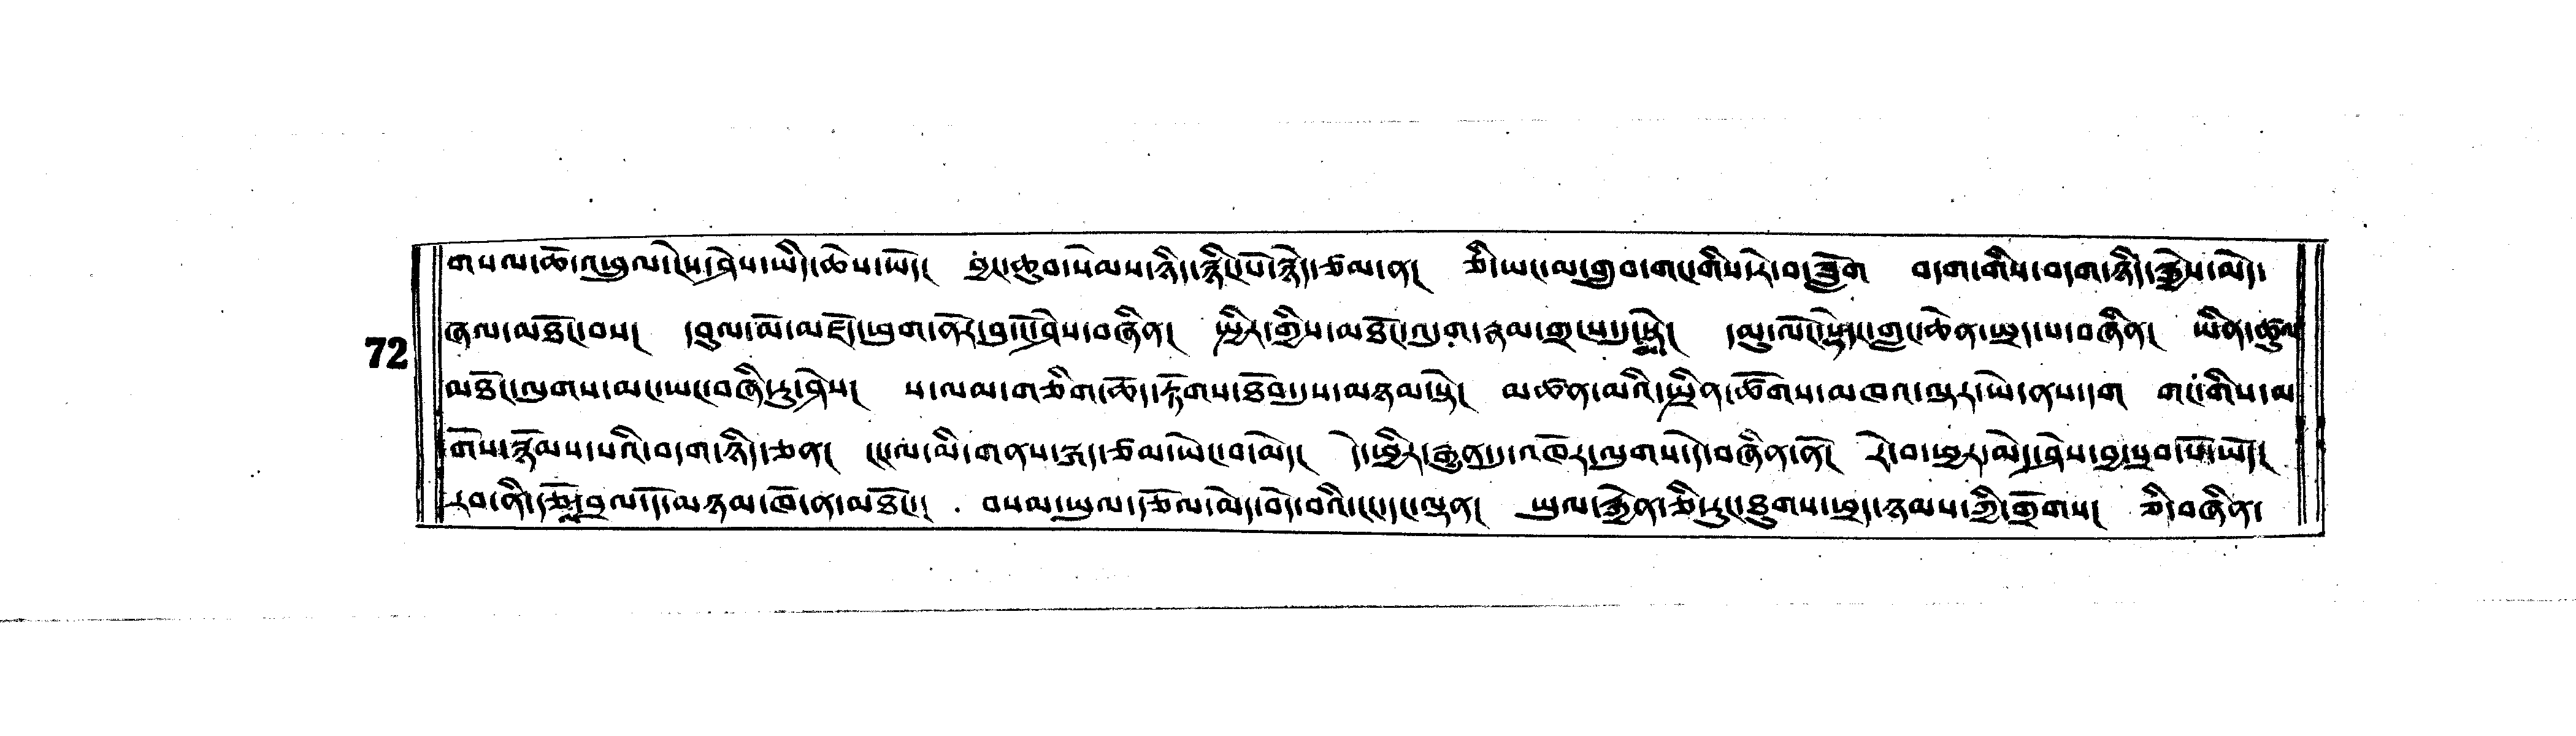གསལ་ཆོ་འཕྲུལ་ངེས་ཤེས་ཡིད་ཆེས་ཡོད། བྱང་ཆུབ་སེམས་ཉིད་སྙིང་པོ་རྙེད་ཙམ་ན། ཅི་ཡང་མ་གྲུབ་གང་གིས་རེ་བ་བཟློག བདག་གིས་བདག་ཉིད་སྐྱེས་མེད་
ཞལ་མཐོང་བས། དབུལ་མོ་མཛོད་ཕུག་ནོར་བུ་ངོ་ཤེས་བཞིན། སྤྱིར་གྱིས་མཐོང་ལུགས་རྣམ་གྲངས་དུ་མ་སྟེ། དམུ་ལོང་སྡེ་དང་གླང་ཆེན་འཕྲད་པ་བཞིན། ཡིན་ཚུལ་
མཐོང་ལུགས་མང་ཡང་བཞི་རུ་ཤེས། ས་ལམ་གཅིག་ཆོད་རྟོགས་ཐོབ་དུས་མཉམ་སྟེ། མཚན་མའི་སྤྲིན་ཚོགས་མཁའ་ལྟར་ཡེ་ནས་དག གང་གིས་མ་
གོས་སྙོམས་པའི་བདག་ཉིད་ཅན། ངང་ལ་མི་གནས་སྐད་ཙམ་ཡེངས་པ་མེད། དེ་ཕྱིར་རྒྱུན་དུ་འཁོར་ལུགས་དེ་བཞིན་ནོ། རེ་བ་ཕྱར་མེད་ཤེས་བྱ་སྲབ་པོ་ཡོད། 
རབ་ནི་རྩོལ་བྲལ་དོ་མཉམ་ཁོ་ན་མཐོང་། བསམ་ཡུལ་རྩོལ་མེད་བདེ་བའི་ངང་དང་ལྡན། ཡུལ་ཅན་ཅི་རུང་ཐུགས་ཕྲད་ཉམས་ཀྱི་གྲོགས། ཅི་བཞིན་